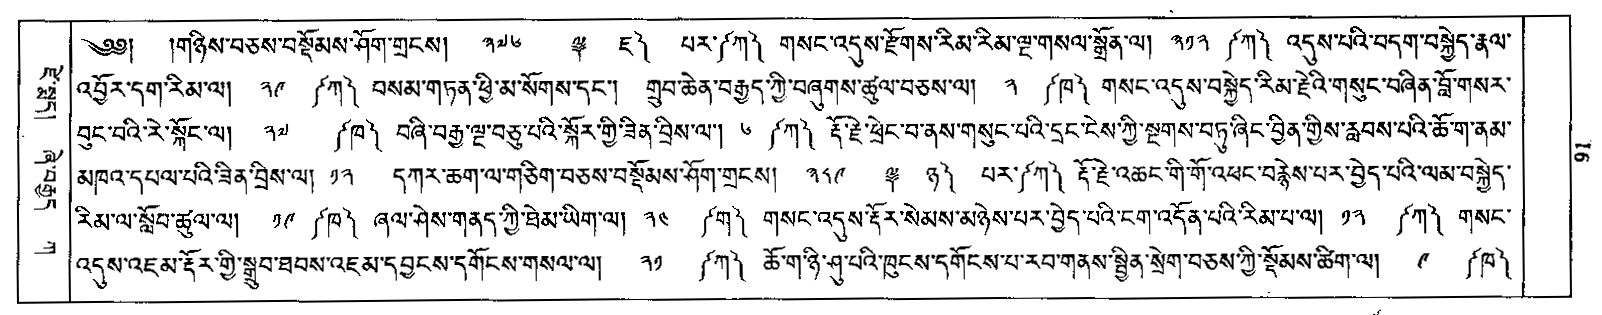༄༅། །གཉིས་བཅས་བསྡོམས་ཤོག་གྲངས། ༣༧༦་༈ ཇ༼་པར་?ཀ༽ གསང་འདུས་རྫོགས་རིམ་རིམ་ལྔ་གསལ་སྒྲོན་ལ། ༣༡༢་?ཀ་འདུས་པའི་བདག་བསྐྱེད་རྣལ་
འབྱོར་དག་རིམ་ལ། ༢༤་?ཀ༼་བསམ་གཏན་ཕྱི་མ་སོགས་དང་། གྲུབ་ཆེན་བརྒྱད་ཀྱི་བཞུགས་ཚུལ་བཅས་ལ། ༢་?ཁ༽ གསང་འདུས་བསྐྱེད་རིམ་རྗེའི་གསུང་བཞིན་བློ་གསར་
བུང་བའི་རེ་སྐོང་ལ། ༢༧་?ཁ༼་བཞི་བརྒྱ་ལྔ་བཅུ་པའི་སྐོར་གྱི་ཟིན་བྲིས་ལ། ༦་?ཀ༽ རྡོ་རྗེ་ཕྲེང་བ་ནས་གསུང་པའི་དྲང་ངེས་ཀྱི་སྔགས་བཏུ་ཞིང་བྱིན་གྱིས་རླབས་པའི་ཆོ་ག་ནམ་
མཁའ་དཔལ་པའི་ཟིན་བྲིས་ལ། ༡༢་དཀར་ཆག་ལ་གཅིག་བཅས་བསྡོམས་ཤོག་གྲངས། ༣ ༨ ༩་༈ ཉ༼་པར་?ཀ༽ རྡོ་རྗེ་འཆང་གི་གོ་འཕང་བརྙེས་པར་བྱེད་པའི་ལམ་བསྐྱེད་
རིམ་ལ་སློབ་ཚུལ་ལ། ༡༩་?ཁ༼་ཞལ་ཤེས་གནད་ཀྱི་ཐེམ་ཡིག་ལ། ༢༤་?ག༽ གསང་འདུས་རྡོར་སེམས་མཉེས་པར་བྱེད་པའི་ངག་འདོན་པའི་རིམ་པ་ལ། ༡༢་?ཀ་གསང་
འདུས་འཇམ་རྡོར་གྱི་སྒྲུབ་ཐབས་འཇམ་དབྱངས་དགོངས་གསལ་ལ། ༢༡་?ཀ༼་ཆོ་ག་ཉི་ཤུ་པའི་ཁུངས་དགོངས་པ་རབ་གནས་སྦྱིན་སྲེག་བཅས་ཀྱི་སྡོམས་ཚིག་ལ། ༩་?ཁ༽